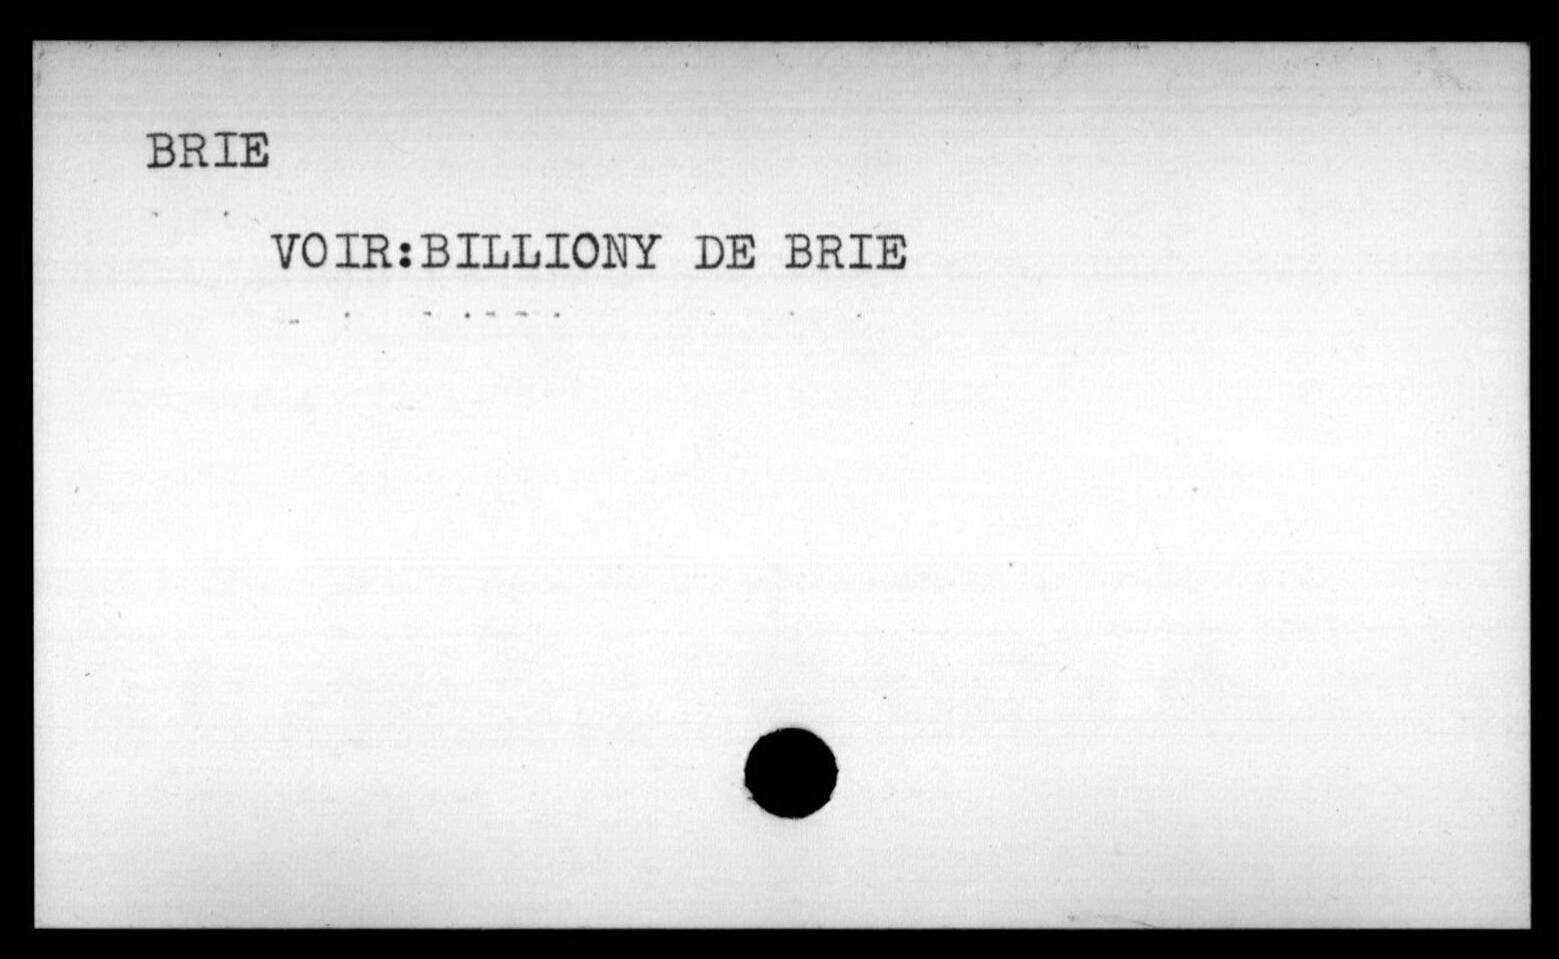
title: BRIE
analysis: VOIR : BILLIONY DE BRIE
